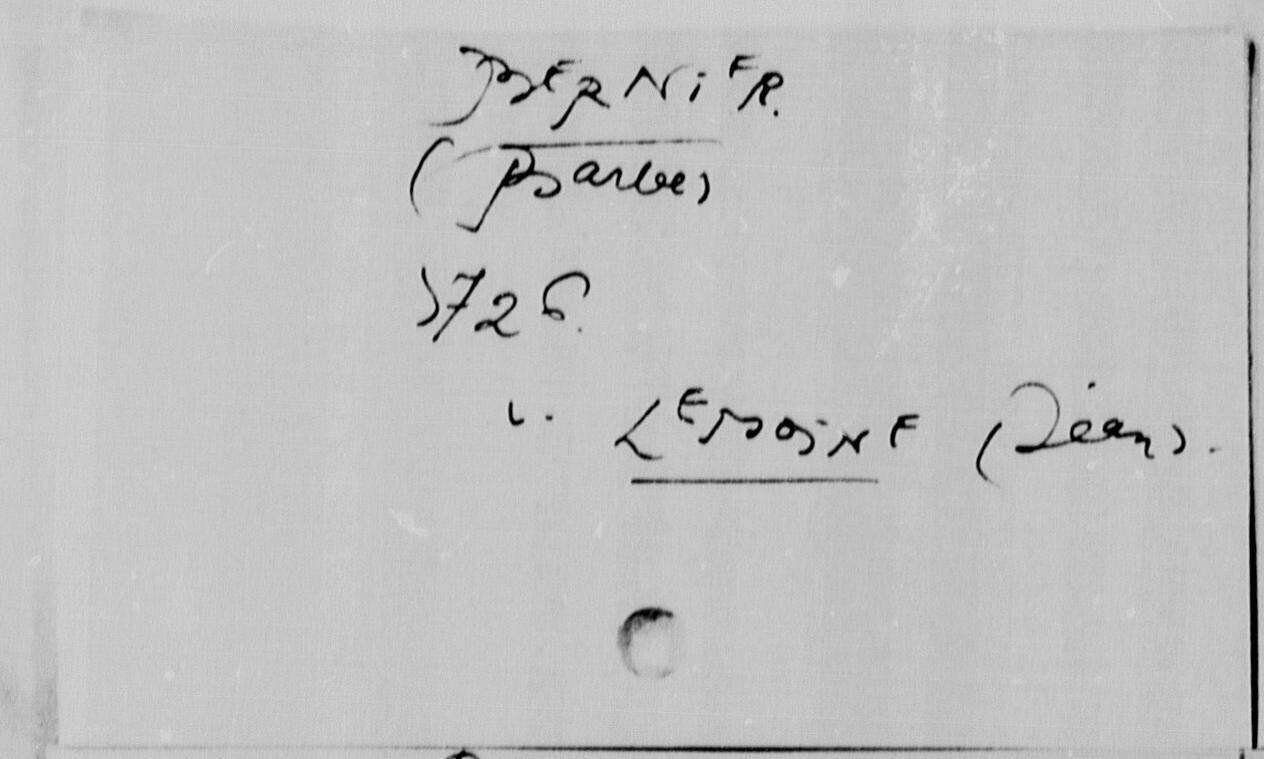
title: BERNIER (Barbe)
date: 1726
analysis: Voir Lemoine (Jean)
